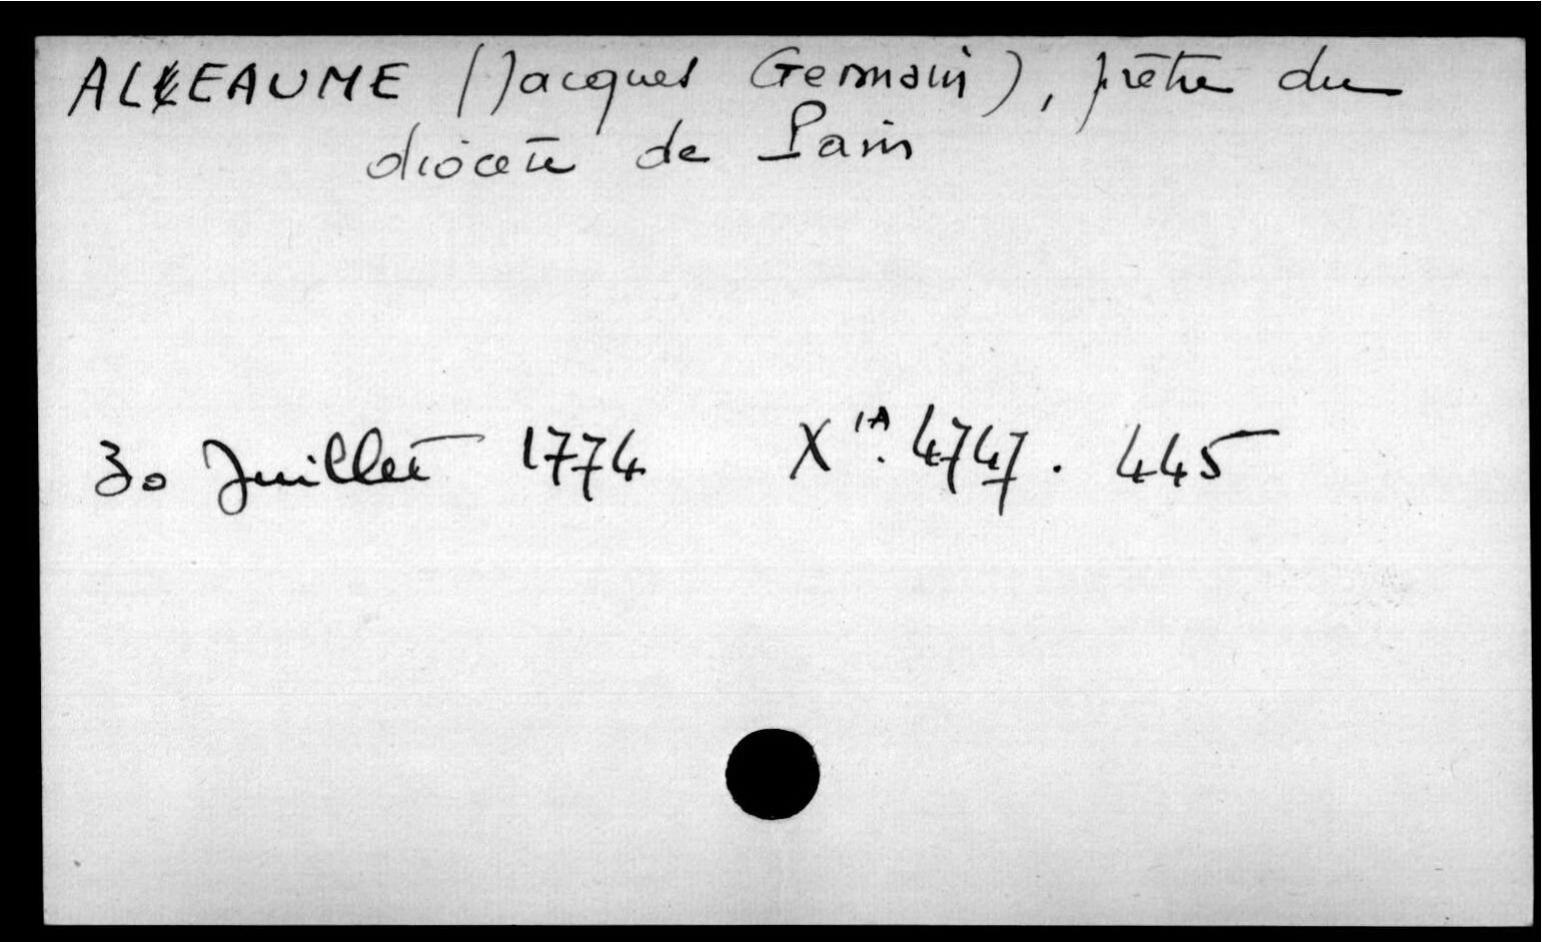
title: ALEAUME (Jacques Germain), prêtre du diocèse de Paris
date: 30 juillet 1774
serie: X1A
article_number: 4747
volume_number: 445
